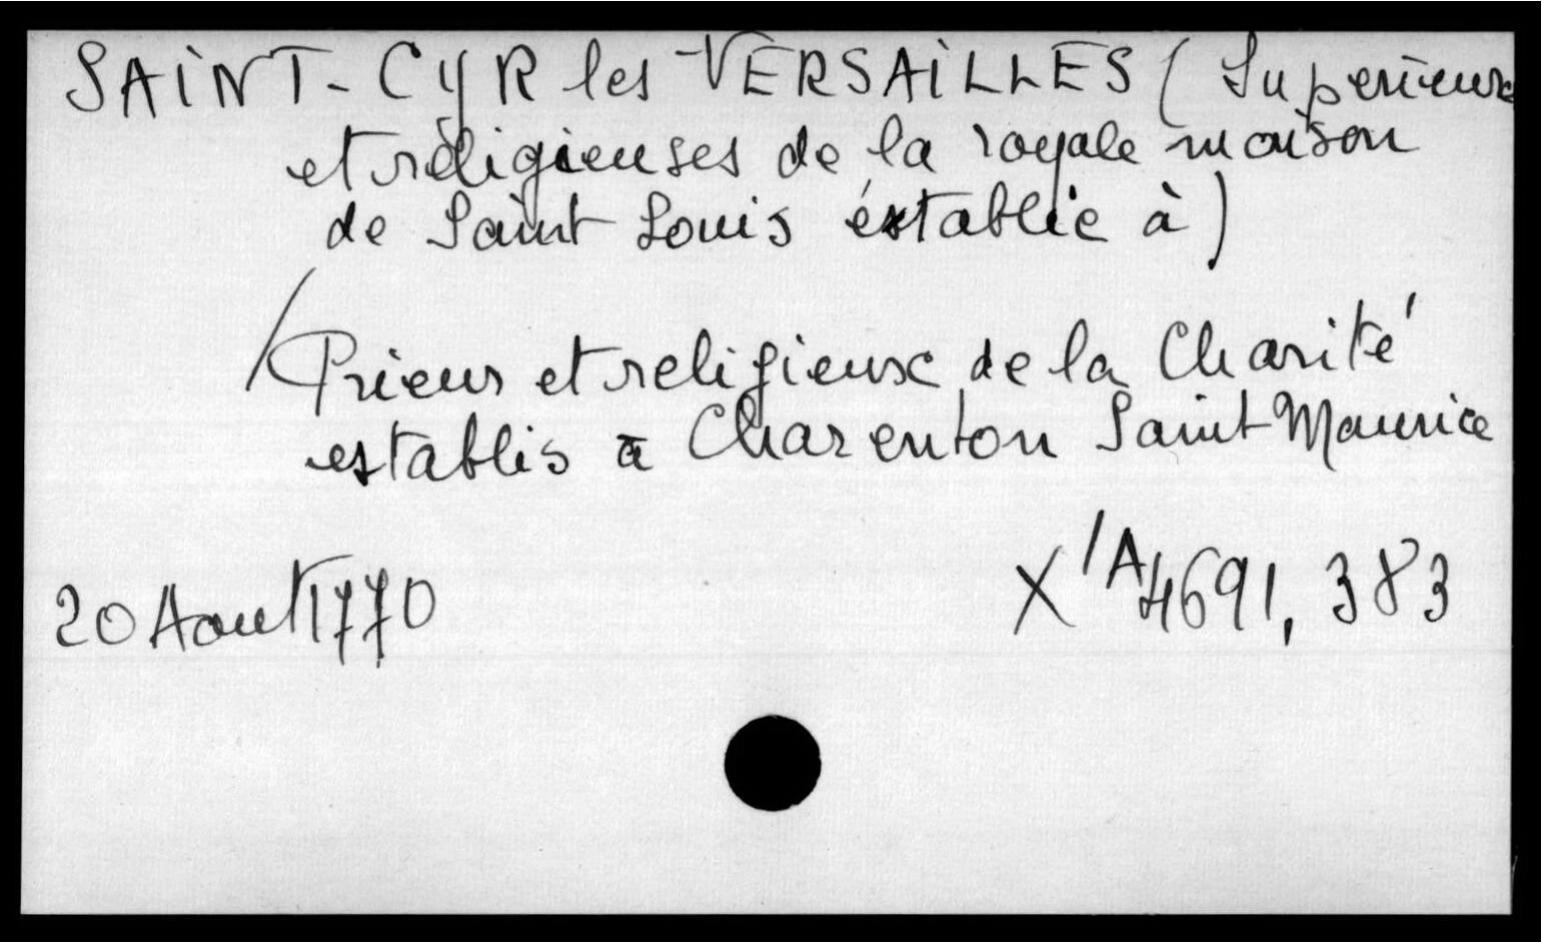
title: SAINT-CYR les VERSAILLES (Superieure et religieuses de la royale maison de Saint-Louis établie à)
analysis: Contre Prieur et religieux de la Charité establis à Charenton Saint-Maurice
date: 20 août 1770
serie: X1A
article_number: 4691
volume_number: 383
